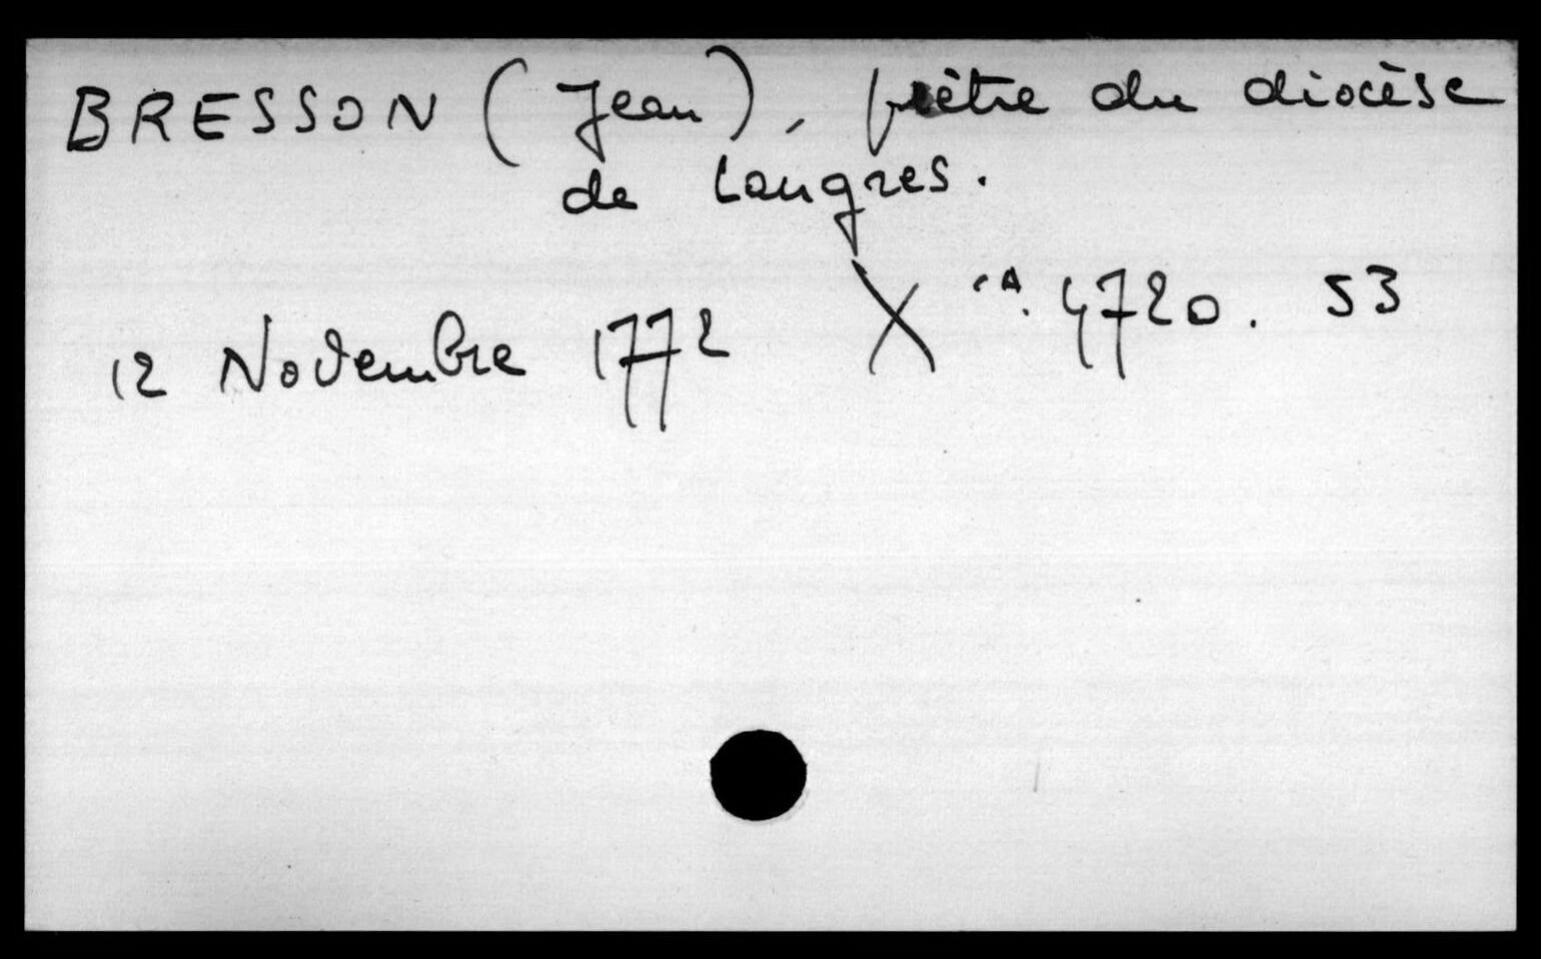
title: BRESSON (Jean), prêtre du diocèse de Langres.
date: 12 novembre 1772
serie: X1A
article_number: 4720
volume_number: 53
